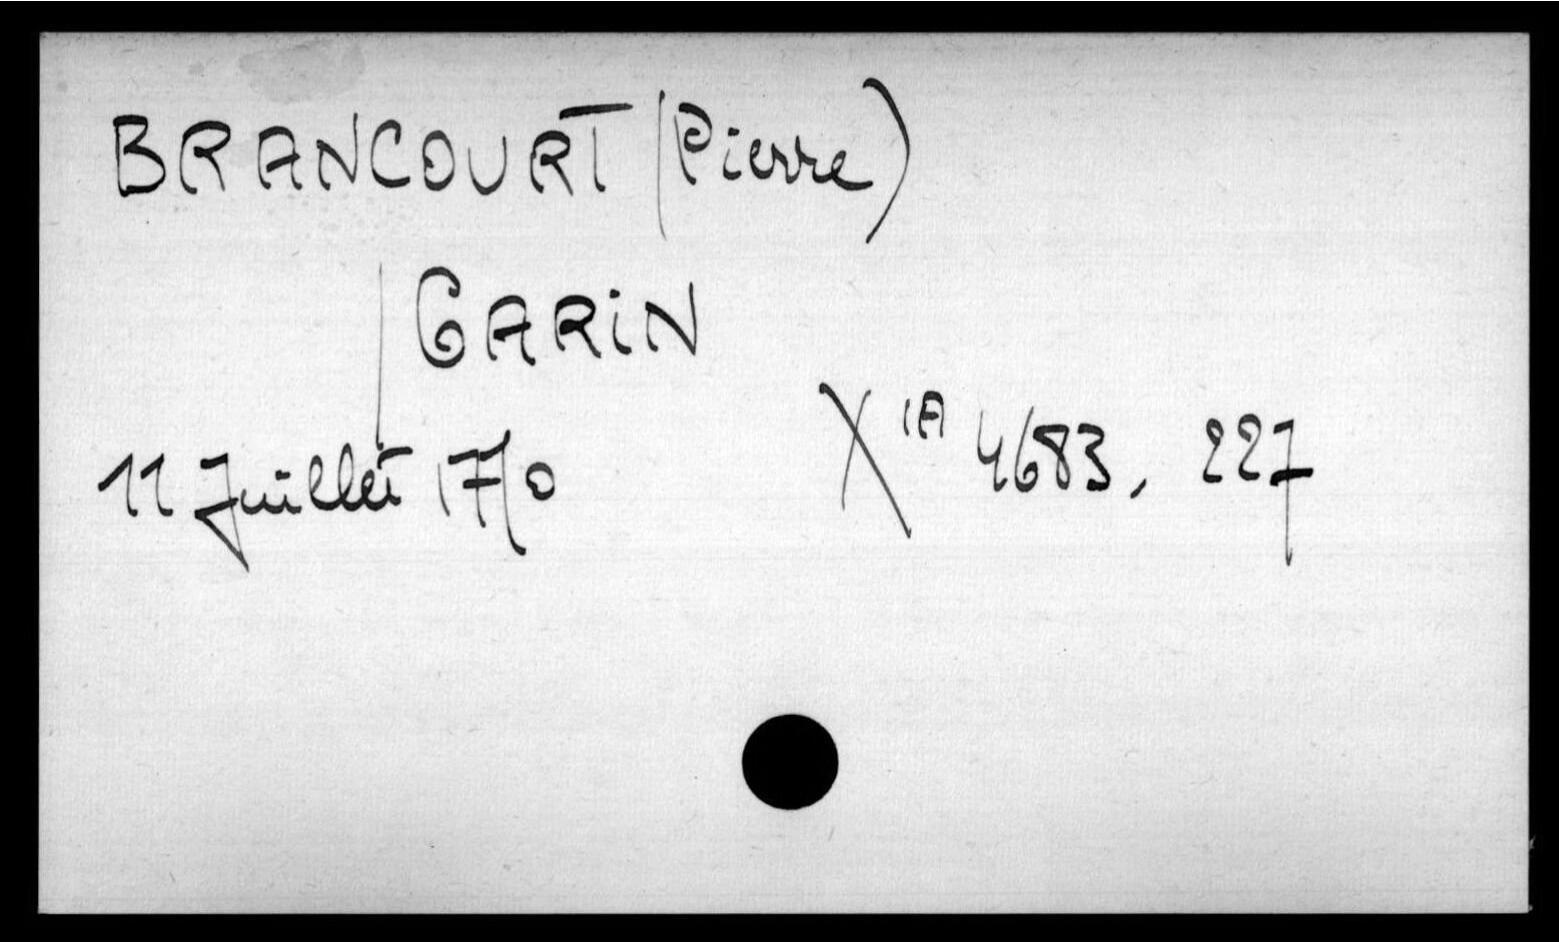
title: BRANCOURT (Pierre)
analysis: Contre GARIN
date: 11 juillet 1770
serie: X1A
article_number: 4683
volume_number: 227
